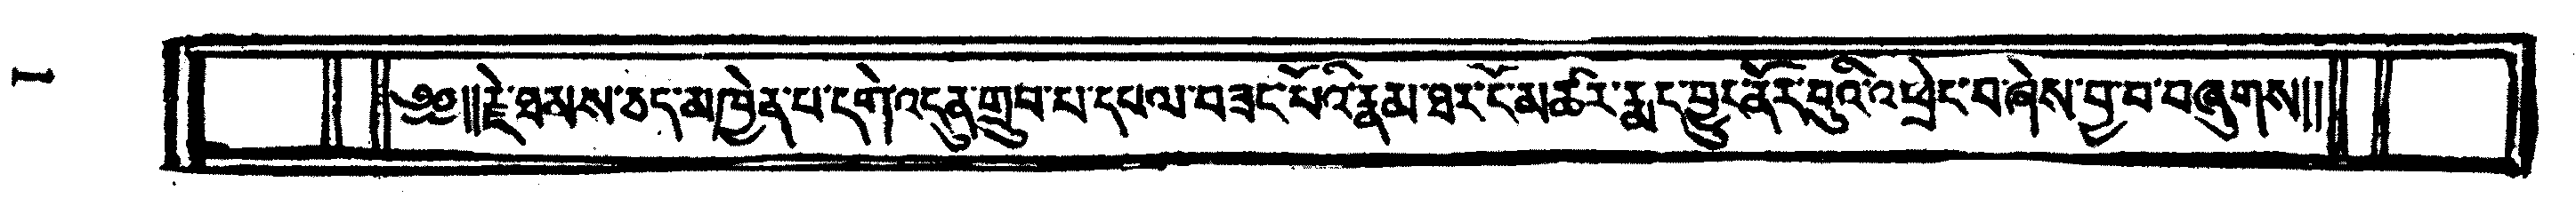༄༅། །རྗེ་ཐམས་ཅད་མཁྱེན་པ་དགེ་འདུན་གྲུབ་པ་དཔལ་བཟང་པོའི་རྣམ་ཐར་ངོ་མཚར་རྨད་བྱུང་ནོར་བུའི་འཕྲེང་བ་ཞེས་བྱ་བ་བཞུགས།།